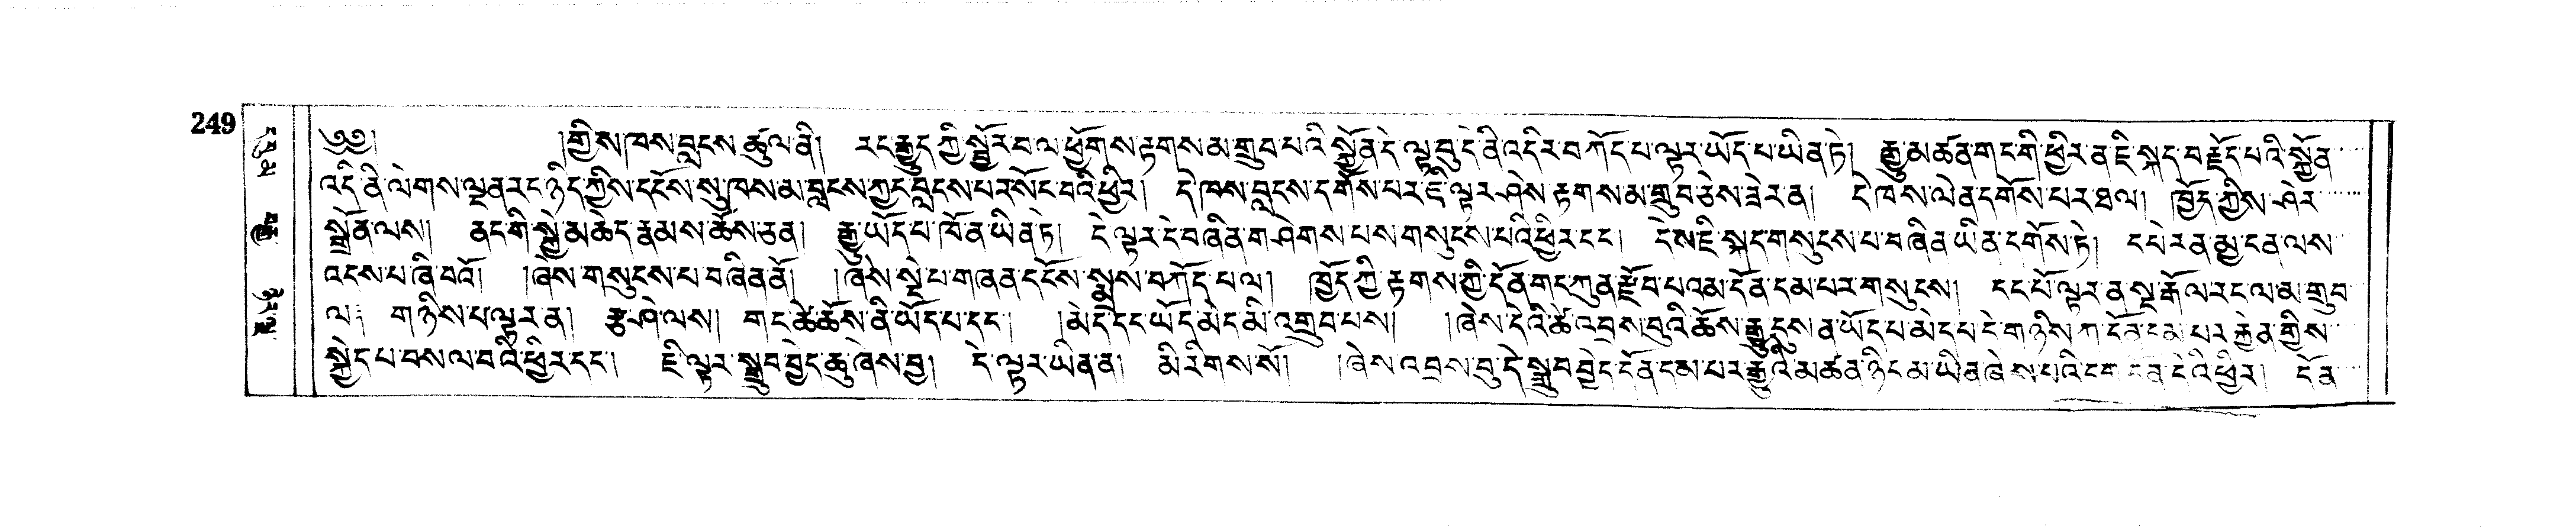༄༅། །གྱིས་ཁས་བླངས་ཚུལ་ནི། རང་རྒྱུད་ཀྱི་སྦྱོར་བ་ལ་ཕྱོགས་རྟགས་མ་གྲུབ་པའི་སྐྱོན་དེ་ལྟ་བུ་དེ་ནི་འདིར་བཀོད་པ་ལྟར་ཡོད་པ་ཡིན་ཏེ། རྒྱུ་མཚན་གང་གི་ཕྱིར་ན་ཇི་སྐད་བརྗོད་པའི་སྐྱོན་
འདི་ནི་ལེགས་ལྡན་རང་ཉིད་ཀྱིས་དངོས་སུ་ཁས་མ་བླངས་ཀྱང་བླངས་པར་སོང་བའི་ཕྱིར། དེ་ཁས་བླངས་དགོས་པར་ཇི་ལྟར་ཤེས་རྟགས་མ་གྲུབ་ཅེས་ཟེར་ན། དེ་ཁས་ལེན་དགོས་པར་ཐལ། ཁྱོད་ཀྱིས་ཤེར་
སྒྲོན་ལས། ནང་གི་སྐྱེ་མཆེད་རྣམས་ཆོས་ཅན། རྒྱུ་ཡོད་པ་ཁོ་ན་ཡིན་ཏེ། དེ་ལྟར་དེ་བཞིན་གཤེགས་པས་གསུངས་པའི་ཕྱིར་དང་། དེས་ཇི་སྐད་གསུངས་པ་བཞིན་ཡིན་དགོས་ཏེ། དཔེར་ན་མྱ་ངན་ལས་
འདས་པ་ཞི་བའོ། །ཞེས་གསུངས་པ་བཞིན་ནོ། །ཞེས་སྡེ་པ་གཞན་དངོས་སྨྲས་བཀོད་པ་ལ། ཁྱོད་ཀྱི་རྟགས་ཀྱི་དོན་གང་ཀུན་རྫོབ་པའམ་དོན་དམ་པར་གསུངས། དང་པོ་ལྟར་ན་སྔ་རྒོལ་རང་ལ་མ་གྲུབ་
ལ། གཉིས་པ་ལྟར་ན། རྩ་ཤེ་ལས། གང་ཚེ་ཆོས་ནི་ཡོད་པ་དང་། །མེད་དང་ཡོད་མེད་མི་འགྲུབ་པས། །ཞེས་དེའི་ཚེ་འབྲས་བུའི་ཆོས་རྒྱུ་དུས་ན་ཡོད་པ་མེད་པ་དེ་གཉིས་ཀ་དོན་དམ་པར་རྐྱེན་གྱིས་
སྐྱེད་པ་བསལ་བའི་ཕྱིར་དང་། ཇི་ལྟར་སྒྲུབ་བྱེད་ཆུ་ཞེས་བྱ། དེ་ལྟར་ཡིན་ན། མི་རིགས་སོ། །ཞེས་འབྲས་བུ་དེ་སྒྲུབ་བྱེད་དོན་དམ་པར་རྒྱུའི་མཚན་ཉིད་མ་ཡིན་ཞེས་པའི་དག་དོན་དེའི་ཕྱིར། དོན་